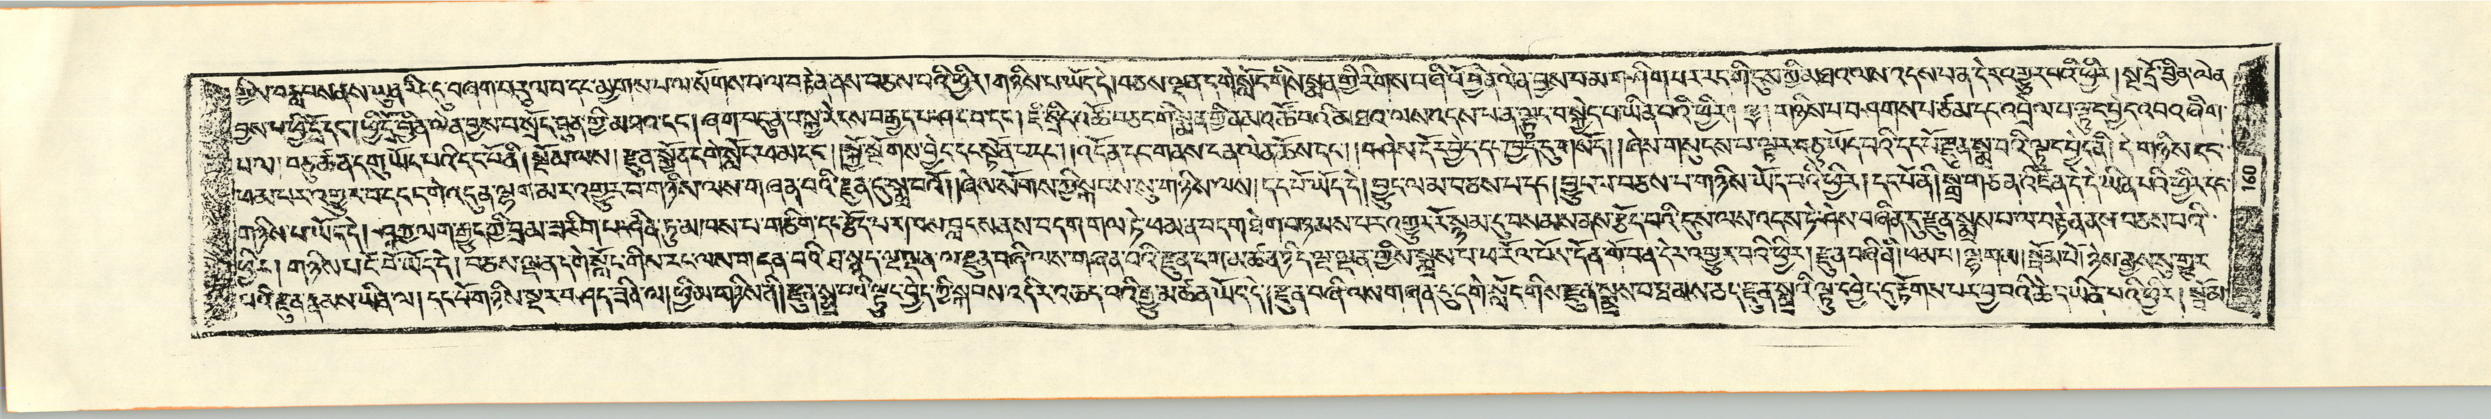གྱིས་བརླབས་ནས་ཡུན་རིང་དུ་བཞག་བྲུལ་བ་དང་མྱགས་པ་ལ་སོགས་པ་ལ་བརྟེན་ནས་བཅས་པའི་ཕྱིར། གཉིས་པ་ཡོད་དེ། བཅས་ལྡན་དགེ་སློང་གིས་སྨན་གྱི་རིགས་བཞི་པོ་བྱིན་ལེན་བྱས་བམ་གཤིག་པར་རང་གི་དུས་ཀྱི་མཐའ་ལས་འདས་པ་ན་དེར་འགྱུར་བའི་ཕྱིར། སྔ་དྲོ་བྱིན་ལེན་
བྱས་པ་ཕྱི་དྲོ་དང་། ཕྱི་དྲོ་བྱིན་ལེན་བྱས་པ་སྲོད་ཐུན་གྱི་མཐའ་དང་། ཞག་བདུན་པ་སྐྱ་རེངས་བརྒྱད་པ་ཤར་བ་དང་། ཇི་སྲིད་འཚོ་བཅང་གི་སྨན་གྱི་ནམ་འཚོ་བའི་མཐའ་ལས་འདས་པ་ན་ལྟུང་བ་སྐྱེད་པ་ཡིན་པའི་ཕྱིར། ༈ །གཉིས་པ་བཤགས་པ་ཙམ་དང་འབྲེལ་པ་ལྟུང་བྱེད་འབའ་ཞིག་
པ་ལ། བཅུ་ཚན་དགུ་ཡོད་པའི་དང་པོ་ནི། སྡོམ་ལས། རྫུན་སྐྱོན་དགེ་སློང་ཕ་མ་དང་། །སྐྱོ་སྡོགས་བྱེད་དང་སྟོན་པ་དང་། །འདོན་དང་གནས་ངན་ལེན་ཆོས་དང་། །བཤེས་དོར་བྱེད་དང་ཁྱད་དུ་གསོད། །ཞེས་གསུངས་པ་ལྟར་བཅུ་ཡོད་པའི་དང་པོ་རྫུན་སྨྲ་བའི་ལྟུང་བྱེད་ནི། དེ་གཉིས་དང་
ཕམ་པར་འགྱུར་པ་དང་དགེ་འདུན་ལྷག་མར་འགྱུར་པ་གཉིས་ལས་གཞན་བའི་རྫུན་དུ་སྨྲ་བའི། །ཞེས་སོགས་ཀྱི་སྐབས་སུ་གཉིས་ལས། དང་པོ་ཡོད་དེ། བྱུང་ལ་མ་བཅས་པ་དང་། བྱུང་ལ་བཅས་པ་གཉིས་ཡོད་པའི་ཕྱིར། དང་པོ་ནི། སྒྲ་གཅན་འཛིན་དེ་དེ་ཡིན་པའི་ཕྱིར་དང་
གཉིས་པ་ཡོད་དེ། ཤྰྐྱ་ལག་རྒྱུད་ཀྱི་བྲམ་ཟ་རིག་པ་ཤིན་ཏུ་མཁས་པ་གཅིག་དང་རྩོད་པར་ཁས་བླངས་ནས་བདག་གལ་ཏེ་ཕམ་ན་བདག་ཐེག་པ་ཉམས་པར་འགྱུར་རོ་སྙམ་དུ་བསམས་ནས་རྩོད་པའི་དུས་ལས་འདས་ཏེ་ཤེས་བཞིན་དུ་རྫུན་སྨྲས་པ་ལ་བརྟེན་ནས་བཅས་པའི་
ཕྱིར། གཉིས་པ་ངོ་བོ་ཡོད་དེ། བཅས་ལྡན་དགེ་སློང་གིས་རང་ལས་གདན་པའི་ཐ་སྙད་ལྔ་ལྡན་ལ་རྫུན་བཞི་ལས་གཞན་པའི་རྫུན་ངག་མཚན་ཉིད་ལྔ་ལྡན་གྱིས་སྨྲས་པ་ཕ་རོལ་པོས་དོན་གོ་བ་ན་དེར་འགྱུར་བའི་ཕྱིར། རྫུན་བཞི་ནི། ཕམ་པ། ལྷག་མ། སྦོམ་པོ། ཉེས་རྒྱས་སུ་གྱུར་
པའི་རྫུན་རྣམས་ཡིན་ལ། དང་པོ་གཉིས་སྔར་བཤད་ཟིན་ལ། ཕྱི་མ་གཉིས་ནི། རྫུན་སྨྲ་བའི་ལྟུང་བྱེད་ཀྱི་སྐབས་འདིར་འཆད་པའི་རྒྱུ་མཚན་ཡོད་དེ། རྫུན་བཞི་ལས་གཞན་དུ་དགེ་སློང་གིས་རྫུན་སྨྲས་པ་ཐམས་ཅད་རྫུན་སྨྲའི་ལྟུ་དབྱེད་དུ་རྟོགས་པར་བྱ་བའི་ཆེད་ཡིན་པའི་ཕྱིར། སྦོམ་